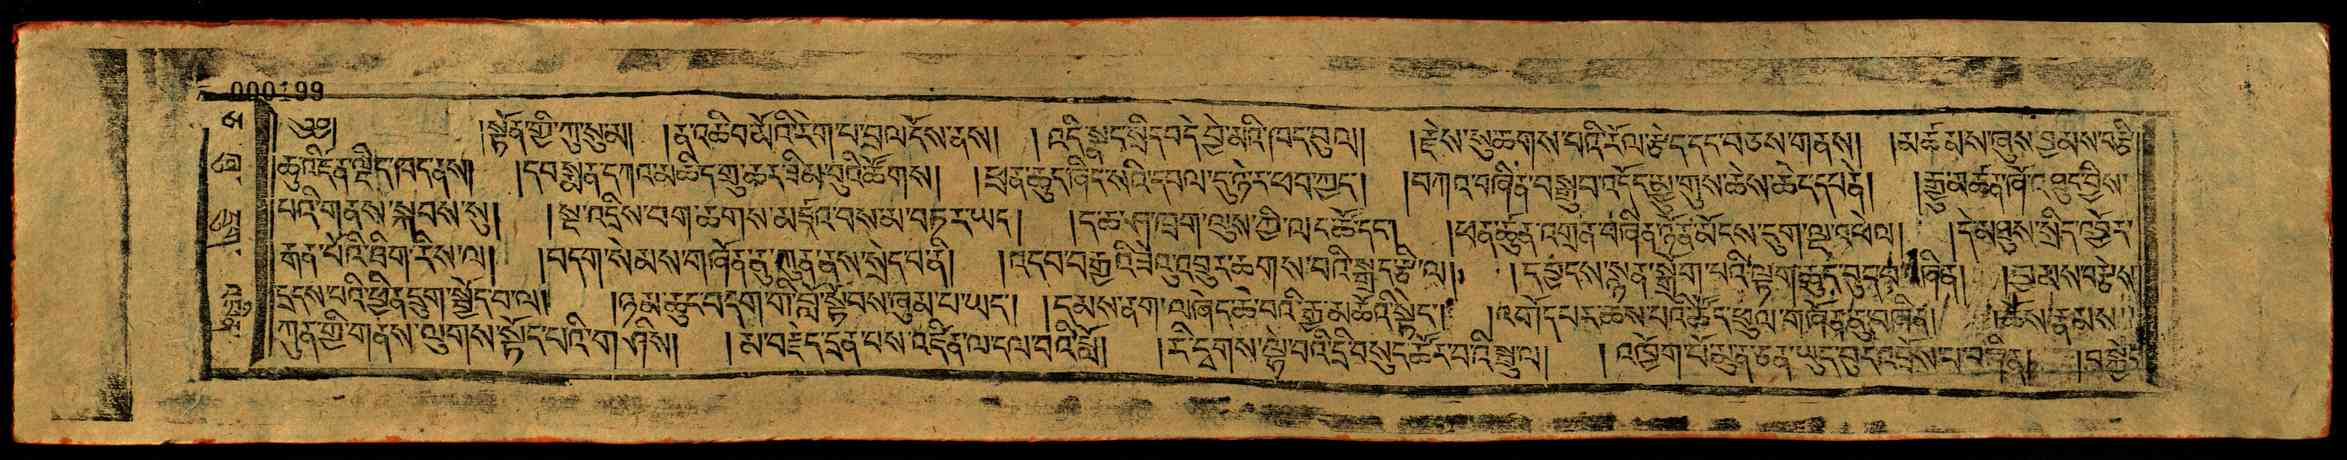༄༅། །སྟོན་གྱི་ཀུ་སུ་པ། །ན་འཆི་མོའི་རེག་པ་བྲལ་ངོས་ནས། །འདི་སྣང་སྲིད་བདེ་བྱེ་མའི་ཁང་བུ་ལ། །རྗེས་སུ་ཆགས་པའི་རོལ་རྩེར་དང་བཅས་གནས། །མཚམས་ཞུས་བྱམས་བརྩེ་
ཆུ་འཛིན་ལྡིང་ཁང་ནས། །རབ་སྨན་དཀའ་མཆིད་གྲུ་ཆར་ཟིམ་བུའི་ཚོགས། །ཕྲན་ཆུང་ཞིང་སའི་དབལ་དུ་ཉེར་ཕབ་ཀྱང་། །བཀའ་བཞིན་བསྒྲུབ་འདོད་མྱུ་གུས་ཆེས་ཆེར་དབེན། །རྒྱུ་མཚན་ཞོ་འཐུང་བྱིས་
པའི་གནས་སྐབས་སུ། །སྔ་འདྲིས་བག་ཆགས་མཛའ་བས་མ་བཏང་ཡང་། །ད་ཆ་ཤ་ཁྲག་ལུས་ཀྱི་ལང་ཚོ་དང་། །ཕན་ཚུན་འགྲོན་བཞིན་ཉོན་མོངས་དུག་ལྔ་འཕེལ། །དེ་མཐུས་སིད་འབྱོར་
རྒན་པོའི་ཐིག་རིས་ལ། །བདག་སེམས་གཞོན་ནུ་ཀུན་ནས་སྲེད་པ་ནི། །འདབ་བརྒྱའི་ཟེའུ་འབྲུར་ཆགས་པའི་སྦྲང་རྩི་ལ། །དབྱངས་སྙན་སྒྲོག་པའི་ལྟག་ཆུང་བུད་པ་བཞིན། །བྱམས་བརྩེས་
དྲངས་པའི་ཕྱིན་དྲུག་སྤྱོད་པ་ལ། །ཉམ་ཆུང་བདག་གི་བློ་སྟོབས་ཞུམ་པ་ཡང་། །དམར་ནག་ཁ་ཞང་ཆེ་བའི་རྒྱ་མཚོའི་སྟོང་། །བགྲོད་པར་ཆས་པའི་ཚོང་ཕྲུག་གཞོན་ནུ་བཞིན། །ཆོས་རྣམས་
ཀུན་གྱི་གནས་ལུགས་སྟོང་པའི་གཤིས། །མ་བརྗེད་དྲན་པས་འཛིན་ལ་ངལ་བའི་བློ། །རི་དྭགས་ལྟེ་བའི་དྲི་བསྲུང་ཚང་བའི་སྤྲུལ། །འཁྱོག་པོ་མུན་ཅན་ཁུང་བུང་འབྲོས་པ་བཞིན། །བསྐྱེད་